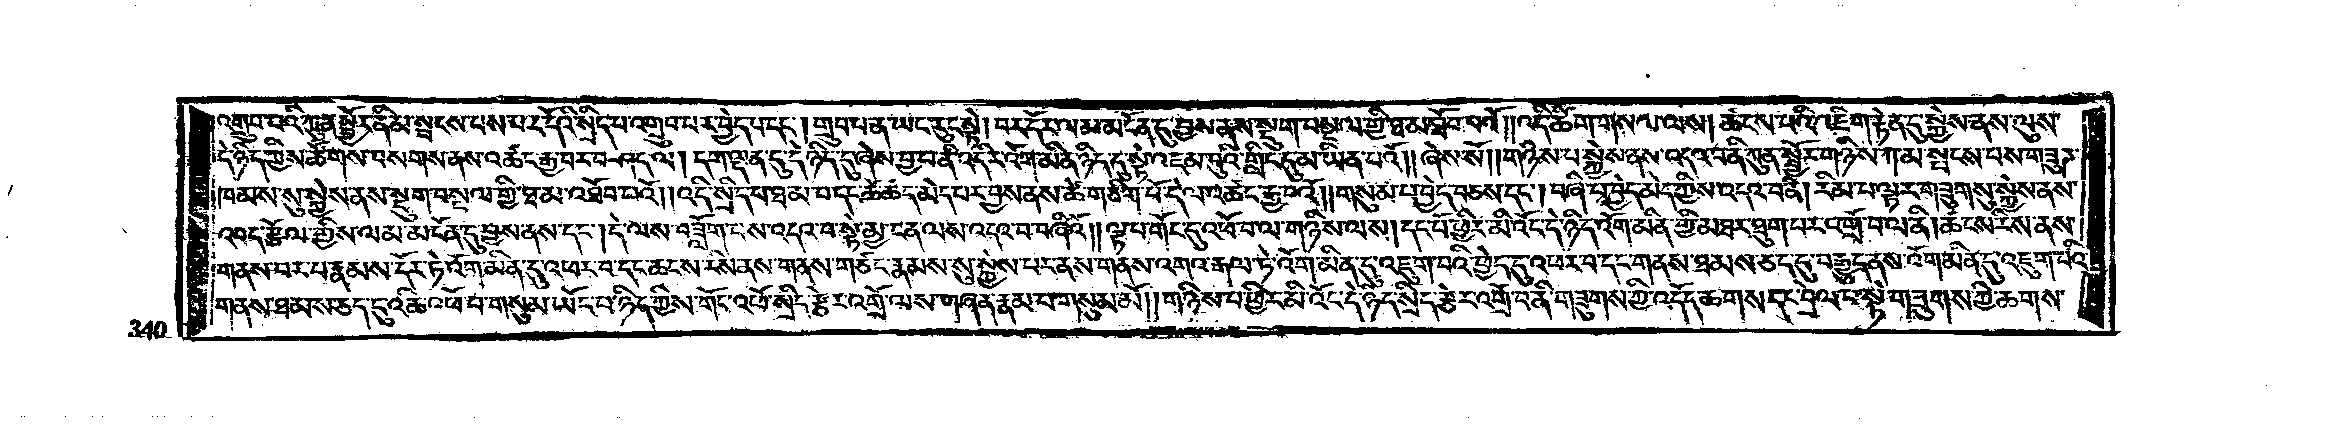འགྲུབ་པའི་ཀུན་སྦྱོར་ནི་མ་སྤངས་པས་བར་དོའི་སྲིད་པ་འགྲུབ་པར་བྱེད་པ་དང་། གྲུབ་པ་ན་ཡང་རུང་སྟེ། བར་དོར་ལམ་མངོན་དུ་བྱས་ནས་སྡུག་བསྔལ་གྱི་ཐ་མ་ཐོབ་པའོ། །འདི་ཚིག་གསལ་ལས། ཚངས་པའི་འཇིག་རྟེན་དུ་སྐྱེས་ནས་ལུས་
དེ་ཉིད་ཀྱིས་ཚོགས་བསགས་ནས་འཚང་རྒྱ་བར་བཤད་ལ། དག་ལྡན་དུ་དེ་ཉིད་དུ་ཞེས་བྱ་བ་ནི་འདིར་འོག་མིན་ཉིད་དུ་སྟེ་འཛམ་བུའི་གླིང་དུ་མ་ཡིན་པའོ། །ཞེས་སོ། །གཉིས་པ་སྐྱེས་ནས་འདའ་བ་ནི་ཀུན་སྦྱོར་གཉིས་ཀ་མ་སྤངས་པས་གཟུགས་
ཁམས་སུ་སྐྱེས་ནས་སྡུག་བསྔལ་གྱི་ཐ་མ་འཐོབ་པའོ། །འདི་སྲིད་པ་ཐ་མ་པ་དང་ཚེ་ཚད་མེད་པར་བྱས་ནས་ཚེ་གཅིག་པོ་དེ་ལ་འཚང་རྒྱ་བའོ། །གསུམ་པ་བྱེད་བཅས་དང་། བཞི་པ་བྱེད་མེད་ཀྱིས་འདའ་བ་ནི། རིམ་པ་ལྟར་གཟུགས་སུ་སྐྱེས་ནས་
འབད་རྩོལ་གྱིས་ལམ་མངོན་དུ་བྱས་ནས་དང་། དེ་ལས་བཟློག་པས་འདའ་བ་སྟེ་མྱ་ངན་ལས་འདའ་བ་བཞིའོ། །ལྔ་པ་གོང་དུ་འཕོ་བ་ལ་གཉིས་ལས། དང་པོ་ཕྱིར་མི་འོང་དེ་ཉིད་འོག་མིན་གྱི་མཐར་ཐུག་པར་འགྲོ་བ་ལ་ནི། ཚངས་རིས་ནས་
གནས་བར་པ་རྣམས་དོར་ཏེ་འོག་མིན་དུ་འཕར་བ་དང་ཚངས་རིས་ནས་གནས་གཙང་རྣམས་སུ་སྐྱེས་པར་ནས་གནས་འགའ་རྒལ་ཏེ་འོག་མིན་དུ་འཇུག་པའི་ཕྱེད་དུ་འཕར་བ་དང་གནས་ཐམས་ཅད་དུ་བརྒྱུད་ནས་འོག་མིན་དུ་འཇུག་པའི་
གནས་ཐམས་ཅད་དུ་འཆི་འཕོ་བ་གསུམ་ཡོད་པ་ཉིད་ཀྱིས་གོང་འཕོ་སྲིད་རྩེར་འགྲོ་ལས་གཞན་རྣམ་པ་གསུམ་མོ། །གཉིས་པ་ཕྱིར་མི་འོང་དེ་ཉིད་སྲིད་རྩེར་འགྲོ་བ་ནི་གཟུགས་ཀྱི་འདོད་ཆགས་དང་བྲལ་བ་སྟེ་གཟུགས་ཀྱི་ཆགས་